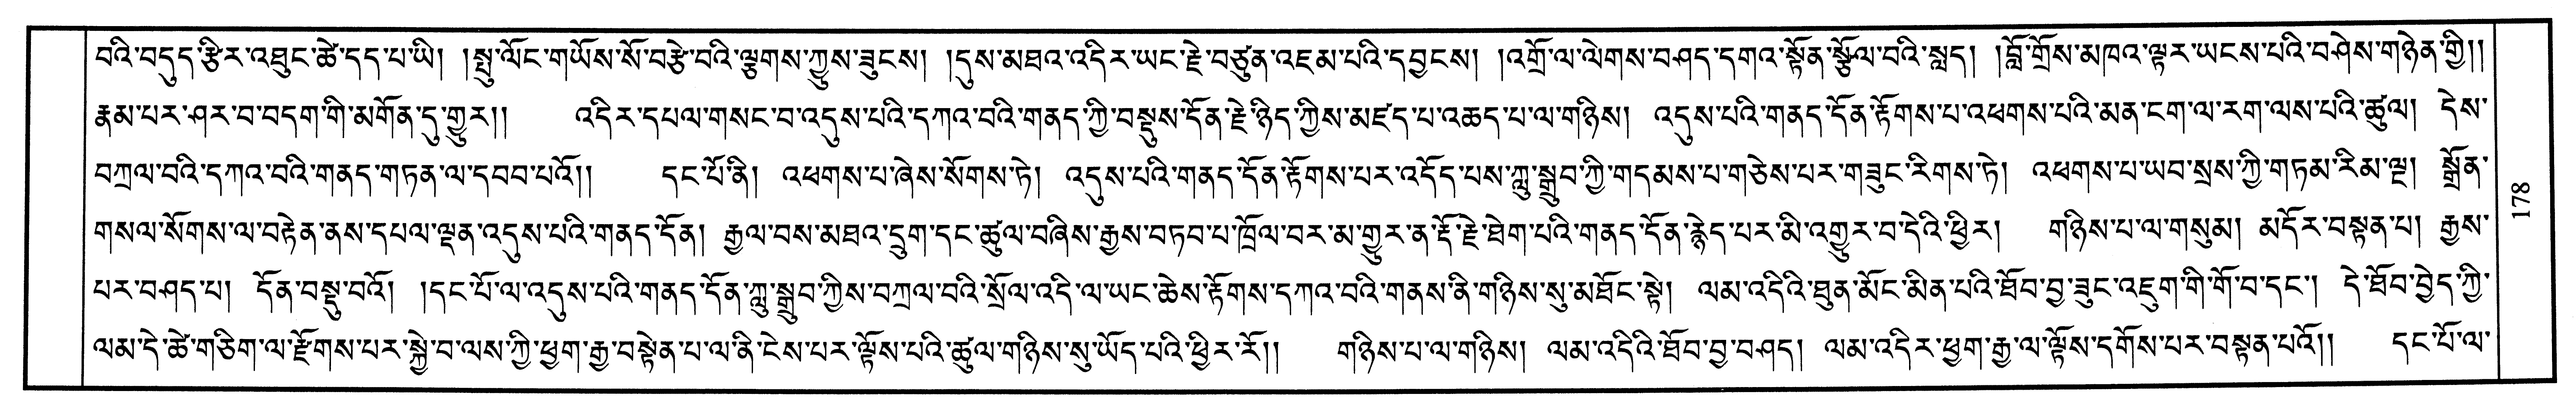བའི་བདུད་རྩིར་འཐུང་ཚེ་དད་པ་ཡི། །སྤུ་ལོང་གཡོས་སོ་བརྩེ་བའི་ལྕགས་ཀྱུས་ཟུངས། །དུས་མཐའ་འདིར་ཡང་རྗེ་བཙུན་འཇམ་པའི་དབྱངས། །འགྲོ་ལ་ལེགས་བཤད་དགའ་སྟོན་སྩོལ་བའི་སླད། །བློ་གྲོས་མཁའ་ལྟར་ཡངས་པའི་བཤེས་གཉེན་གྱི།།
རྣམ་པར་ཤར་བ་བདག་གི་མགོན་དུ་གྱུར།། འདིར་དཔལ་གསང་བ་འདུས་པའི་དཀའ་བའི་གནད་ཀྱི་བསྡུས་དོན་རྗེ་ཉིད་ཀྱིས་མཛད་པ་འཆད་པ་ལ་གཉིས། འདུས་པའི་གནད་དོན་རྟོགས་པ་འཕགས་པའི་མན་ངག་ལ་རག་ལས་པའི་ཚུལ། དེས་
བཀྲལ་བའི་དཀའ་བའི་གནད་གཏན་ལ་དབབ་པའོ།། དང་པོ་ནི། འཕགས་པ་ཞེས་སོགས་ཏེ། འདུས་པའི་གནད་དོན་རྟོགས་པར་འདོད་པས་ཀླུ་སྒྲུབ་ཀྱི་གདམས་པ་གཅེས་པར་གཟུང་རིགས་ཏེ། འཕགས་པ་ཡབ་སྲས་ཀྱི་གཏམ་རིམ་ལྔ། སྒྲོན་
གསལ་སོགས་ལ་བརྟེན་ནས་དཔལ་ལྡན་འདུས་པའི་གནད་དོན། རྒྱལ་བས་མཐའ་དྲུག་དང་ཚུལ་བཞིས་རྒྱས་བཏབ་པ་ཁྲོལ་བར་མ་གྱུར་ན་རྡོ་རྗེ་ཐེག་པའི་གནད་དོན་རྙེད་པར་མི་འགྱུར་པ་དེའི་ཕྱིར། གཉིས་པ་ལ་གསུམ། མདོར་བསྟན་པ། རྒྱས་
པར་བཤད་པ། དོན་བསྡུ་བའོ། །དང་པོ་ལ་འདུས་པའི་གནད་དོན་ཀླུ་སྒྲུབ་ཀྱིས་བཀྲལ་བའི་སྲོལ་འདི་ལ་ཡང་ཆེས་རྟོགས་དཀའ་བའི་གནས་ནི་གཉིས་སུ་མཐོང་སྟེ། ལམ་འདིའི་ཐུན་མོང་མིན་པའི་ཐོབ་བྱ་ཟུང་འཇུག་གི་གོ་བ་དང་། དེ་ཐོབ་བྱེད་ཀྱི་
ལམ་དེ་ཚེ་གཅིག་ལ་རྫོགས་པར་སྐྱེ་བ་ལས་ཀྱི་ཕྱག་རྒྱ་བསྟེན་པ་ལ་ནི་ངེས་པར་ལྟོས་པའི་ཚུལ་གཉིས་སུ་ཡོད་པའི་ཕྱིར་རོ།། གཉིས་པ་ལ་གཉིས། ལམ་འདིའི་ཐོབ་བྱ་བཤད། ལམ་འདིར་ཕྱག་རྒྱ་ལ་ལྟོས་དགོས་པར་བསྟན་པའོ།། དང་པོ་ལ་